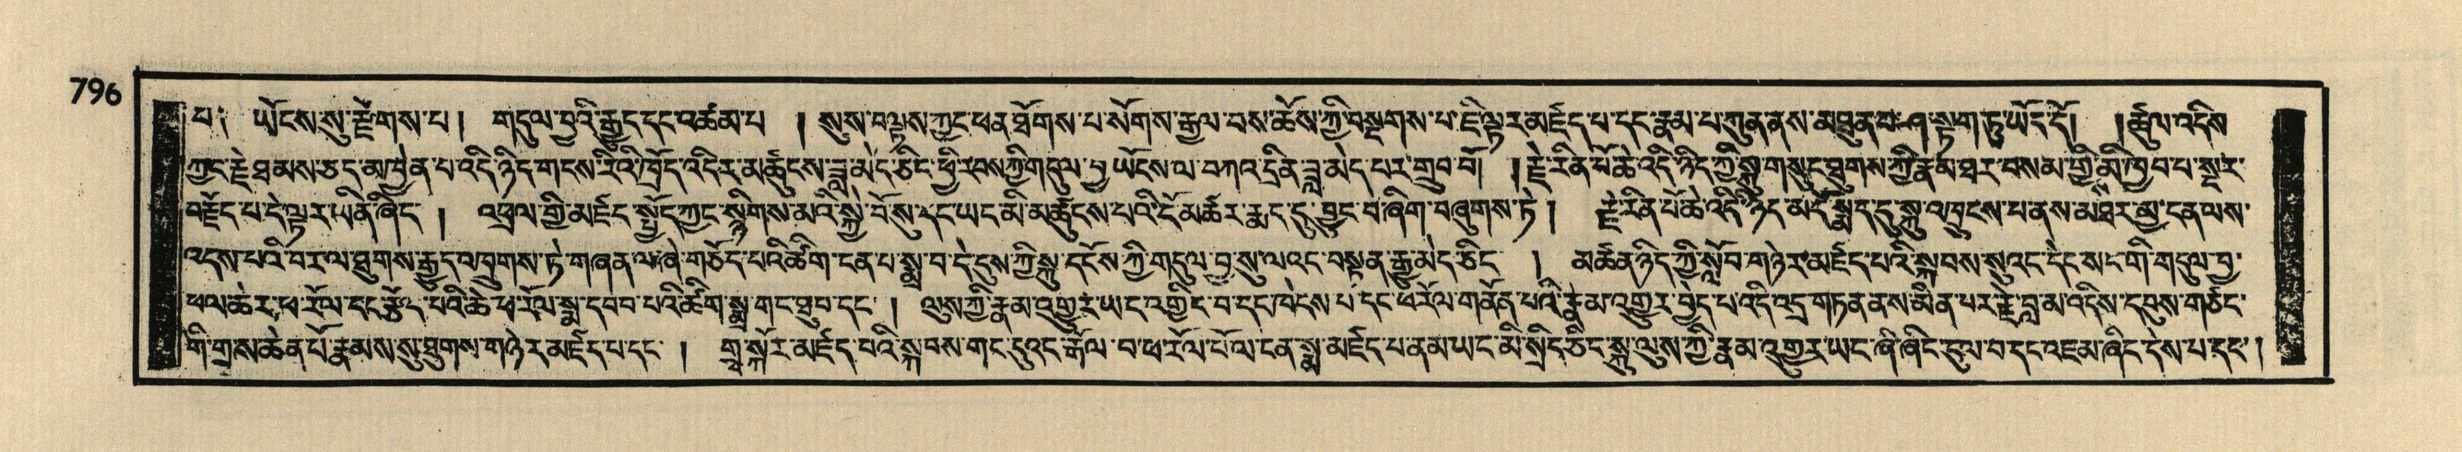པ༑ ཡོངས་སུ་རྫོགས་པ། གདུལ་བྱའི་རྒྱུད་དང་འཚམ་པ་།སུས་བལྟས་ཀྱང་ཕན་ཐོགས་པ་སོགས་རྒྱལ་བས་ཆོས་ཀྱི་བསྔགས་པ་ཇི་ལྟར་མཛད་པ་དང་རྣམ་པ་ཀུན་ནས་མཐུན་བ་ཤ་སྟག་ཏུ་ཡོད་དོ། །ཚུལ་འདིས་
ཀྱང་རྗེ་ཐམས་ཅད་མཁྱེན་པ་འདི་ཉིད་གངས་རིའི་ཁྲོད་འདིར་མཚུངས་ཟླ་མེད་ཅིང་ཕྱི་རབས་ཀྱི་གདུལ་བྱ་ཡོངས་ལ་བཀའ་དྲིན་ཟླ་མེད་པར་གྲུབ་བོ། །རྗེ་རིན་པོ་ཆེ་འདི་ཉིད་ཀྱི་སྐུ་གསུང་ཐུགས་ཀྱི་རྣམ་ཐར་བསམ་གྱིས་མི་ཁྱབ་པ་སྔར་
བརྗོད་པ་དེ་ལྟར་ཡིན་ཞིང་། འཕྲལ་གྱི་མཛད་སྤྱོད་ཀྱང་སྙིགས་མའི་སྐྱེ་བོ་སུ་དང་ཡང་མི་མཚུངས་པའི་ངོ་མཚར་རྨད་དུ་བྱུང་བ་ཞིག་བཞུགས་ཏེ། རྗེ་རིན་པོ་ཆེ་འདི་ཉིད་མདོ་སྨད་དུ་སྐུ་འཁྲུངས་པ་ནས་མཐར་མྱ་ངན་ལས་
འདས་པའི་བར་ལ་ཐུགས་རྒྱུད་འཁྲུགས་ཏེ་གཞན་ལ་ཞེ་གཅོད་པའི་ཚིག་ངན་པ་སྨྲ་བ་དེ་དུས་ཀྱི་སྐུ་དངོས་ཀྱི་གདུལ་བྱ་སུ་ལའང་བསྟན་རྒྱུ་མེད་ཅིང་། མཚན་ཉིད་ཀྱི་སློབ་གཉེར་མཛད་པའི་སྐབས་སུའང་དེང་སང་གི་གདུལ་བྱ་
ཕལ་ཆེར་ཕ་རོལ་དང་རྩོད་པའི་ཆེ་ཕ་རོལ་སྨ་དབབ་པའི་ཚིག་སྨྲ་གང་ཐུབ་དང་། ལུས་ཀྱི་རྣམ་འགྱུར་ཡང་འགྱིང་བ་དང་ཁེངས་པ་དང་ཕ་རོལ་གནོན་པའི་རྣམ་འགྱུར་བྱེད་པ་འདི་འདྲ་གཏན་ནས་མིན་པར་རྗེ་བླ་མ་འདིས་དབུས་གཙང་
གི་གྲས་ཆེན་པོ་རྣམས་སུ་ཐུགས་གཉེར་མཛད་པ་དང་། གྲྭ་སྐོར་མཛད་པའི་སྐབས་གང་དུའང་རྒོལ་བ་ཕ་རོལ་པོ་ལ་ངན་སྨྲ་མཛད་པ་ནམ་ཡང་མི་སྲིད་ཅིང་སྐུ་ལུས་ཀྱི་རྣམ་འགྱུར་ཡང་ཞི་ཞིང་དུལ་བ་དང་འཇམ་ཞིང་དེས་པ་དང་།